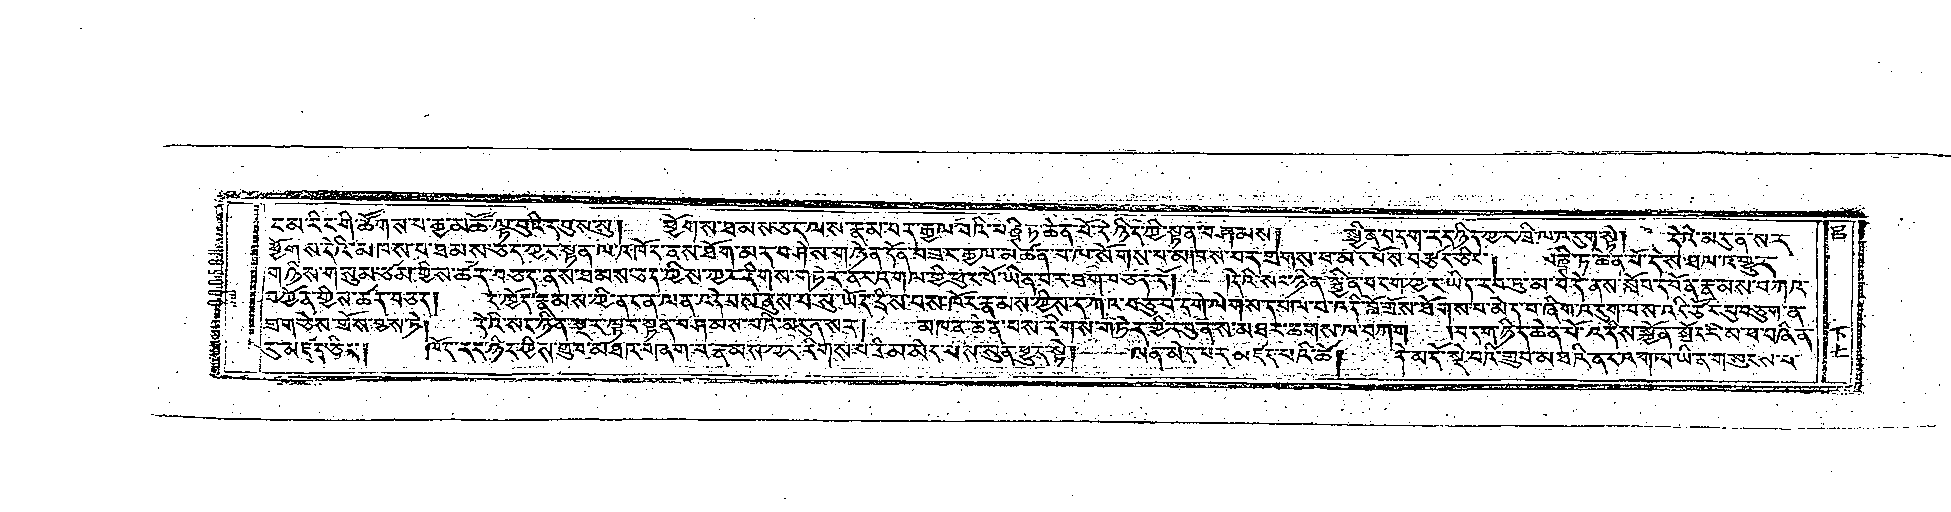དམ་རིང་གི་ཚོགས་པ་རྒྱ་མཚོ་ལྟ་བུའི་དབུས་སུ། ཕྱོགས་ཐམས་ཅད་ལས་རྣམ་པར་རྒྱལ་བའི་པཎྚི་ཏ་ཆེན་པོ་དེ་ཉིད་ཀྱི་སྟན་བཤམས། སྦྱིན་བདག་རང་ཉིད་ཀྱང་ཁྲི་ལ་འདུག་སྟེ། དེའི་མདུན་སར་
ཕྱོགས་དེའི་མཁས་པ་ཐམས་ཅད་ཀྱང་སྟན་ལ་འཁོར་ནས་ཐོག་མར་བཤེས་གཉེན་དོན་བཟང་རྒྱལ་མཚན་པ་ལ་སོགས་པ་མཁས་བར་གྲགས་པ་མང་པོས་བརྩང་ཅིང་། པཎྚི་ཏ་ཆེན་པོ་དེས་ཐལ་འགྱུར་
གཉིས་གསུམ་ཙམ་གྱིས་ཚར་བཅད་ནས་ཐམས་ཅད་ཀྱིས་ཀྱང་རིགས་གཏེར་ནང་འགལ་གྱི་ཕུང་པོ་ཡིན་པར་ཐག་བཅད་དོ། །དེའི་སང་ཉིན་སྦྱིན་བདག་ཀྱང་ཡིད་རབ་ཏུ་མ་བདེ་ནས་སློབ་དཔོན་རྣམས་བཀའ་
བཀྱོན་གྱིས་ཚར་བཅད། ད་ཁྱོད་རྣམས་ཀྱི་ནང་ན་ལན་འདེབས་ནུས་བ་སུ་ཡོད་དྲིས་པས་ཁོར་རྣམས་ཀྱིས་དཀའ་བཅུ་བ་དགེ་ལེགས་དཔལ་བ་འདི་བློ་གྲོས་ཐོགས་པ་མེད་པ་ཞིག་འདུག་པས་འདི་ཙོང་བུ་བཅུག་ན་
གྲག་ཅེས་གྲོས་བྱས་ཏེ། དེའི་སང་ཉིན་སྔར་ལྟར་སྟན་བཤམས་པའི་མདུན་སར། མཁན་ཆེན་པས་རིགས་གཏེར་གྱི་དབུ་ནས་མཐར་ཆགས་ལ་བཀག །བདག་ཉིད་ཆེན་པོ་འདིས་སྐྱོན་སྤོང་རིམ་པ་བཞིན་
དུ་མཛད་ཅིང་། ཁོང་རང་ཉིད་ཀྱིས་གྲུབ་མཐའ་བཞག་པ་རྣམས་ཀྱང་རིགས་པ་དྲི་མ་མེད་པས་སུན་ཕྱུང་སྟེ། ལན་མེད་པར་མཛད་པའི་ཚེ། དེ་མདོ་སྡེ་པའི་གྲུབ་མཐའི་ནང་འགལ་ཡིན་གསུངས་པ་